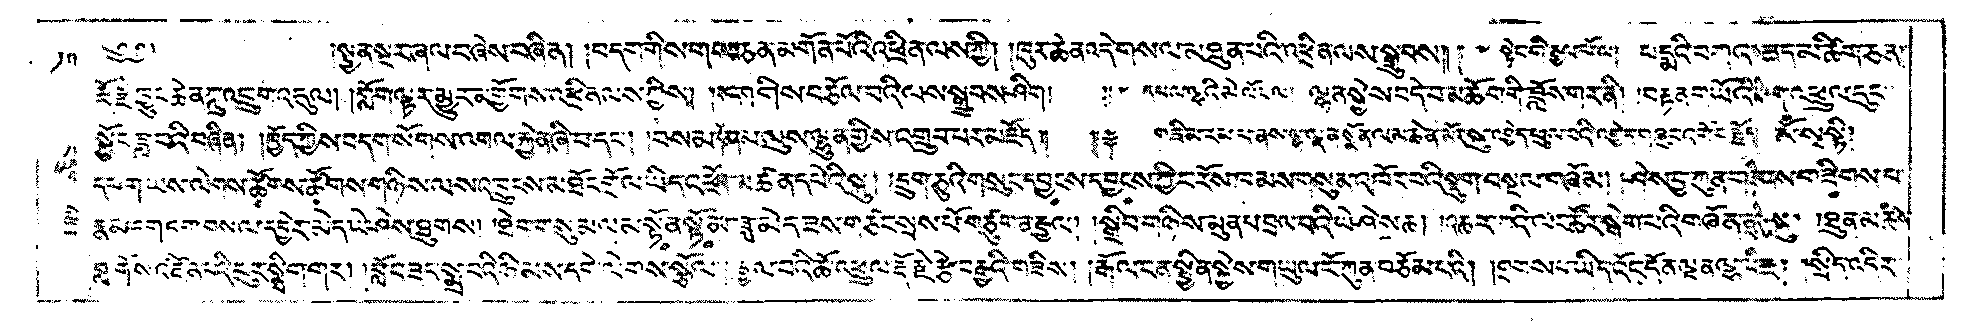༄༅། །སྤྱན་སྔར་ཞལ་བཞེས་བཞིན། །བདག་གིས་གངས་ཅན་མགོན་པོའི་འཕྲིན་ལས་ཀྱི། །ཁུར་ཆེན་འདེགས་ལ་མཐུན་པའི་འཕྲིན་ལས་སྒྲུབས།། །།༧་སྟེང་གི་རྒྱལ་པོ་ལ།  པདམའི་བཀའ་ཉན་དམ་ཚིག་ཅན། །
རྡོ་རྗེ་ཁྱུང་ཆེན་ཀླུ་འབྲུག་འདུལ། །གློག་ལྟར་མྱུར་མགྱོགས་འཕྲིན་ལས་ཀྱིས། །བདག་གིས་བཅོལ་བའི་ལས་སྒྲུབས་ཤིག ། །།༧་དཔལ་ལྷའི་མེ་ལོང་ལ།  ལྷན་སྐྱེས་བདེ་བ་མཆོག་གི་ཟློས་གར་ནི། །བརྟན་གཡོའི་མིག་འཕྲུལ་དུང་
སྐྱོང་ཟླ་བའི་བཞིན། །ཁྱོད་ཀྱིས་བདག་སོགས་འགལ་རྐྱེན་ཞི་བ་དང་། །བསམ་དོན་མ་ལུས་ལྷུན་གྱིས་འགྲུབ་པར་མཛོད།། །།༈ གཟིམ་རམ་པ་ནས་ལྷ་ལྡན་སྨོན་ལམ་ཆེན་མོར་སྐུ་འགྱེད་ཕུལ་བའི་འགྱེད་གཞུང་འགོ་བརྗོད།  ཨོཾ་སྭསྟི།
དཔག་ཡས་ལེགས་ཚོགས྾་ཚོགས྾་གཉིས་ལས་འཁྲུངས་མཐོང་གྲོལ་ཡིད་འཕྲོག་མཚན་དཔེའི་སྐུ། །དྲུག་ཅུའི་གསུང་དབྱངས྾་དབྱངས྾་ཀྱི་ང་རོས་ཁམས་གསུམ་འཁོར་བའི་སྡུག་བསྔལ་གཞོམ། །ཤེས་བྱ་ཀུན་གཟིགས྾་གཟིགས྾་པ་
རྣམ་དག་དག་གསལ་དབྱེར་མེད་ཡེ་ཤེས་ཐུགས། །ཐེག་གསུམ་ལམ་སྟོན྾་སྟོན྾་པ་ཟླ་མེད་ཟས་གཙང་སྲས་པོ་གཙུག་ན་རྒྱལ། །སྒྲིབ་གཉིས་མུན་པ་བྲལ་བའི་ཡེ་ཤེས་ཆ། །འཆར་ཀའི་ལང་ཚོར་སྒེག་པའི་གཞོན་ནུའི་སྐུ། །ཐུན་མཚམས་
བླ་གོས་འཛིན་པའི་ངུར་སྨྲིག་གར། །བློ་བཟང་སྨྲ་བའི་ཉི་མས་དགེ་ལེགས་སྩོལ། །རྒྱལ་བའི་ཆོ་འཕྲུལ་རྡོ་རྗེ་རྩེ་བརྒྱའི་གཟིས། །རྒོལ་ངན་སྦྱིན་སྐྱེས་གཡུལ་ངོ་ཀུན་བཅོམ་པའི། །གྲགས་པ་ཡིད་འོང་དོན་ལྡན་ལྷ་ཡི་རྔ། །སྲིད་འདིར་